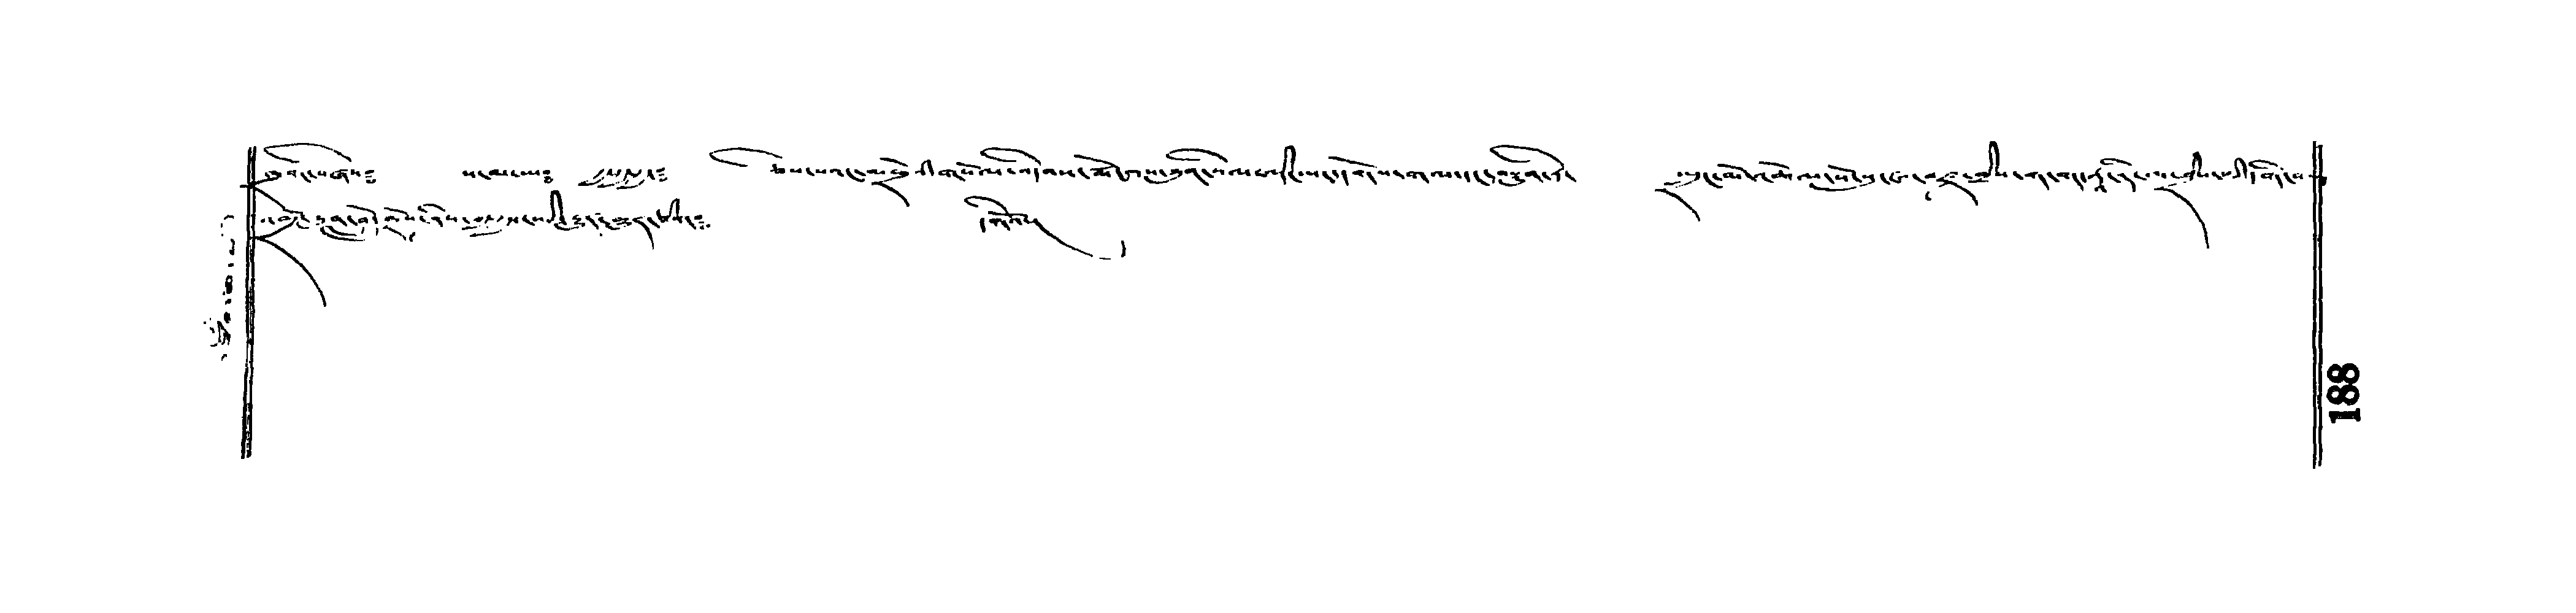ཁྲག་བཞེས༔ ས་མ་ཡ༔ རྒྱ་རྒྱ་རྒྱ༔ ཅེས་པའང་མཁའ་འགྲོའི་གསོལ་འདེབས་རྨོངས་པ་ཀུན་སེལ་འདི་ཡང་དགོས་གལ་དང་བསྟུན་ཏེ། སྤྲང་མོ་འཆོལ་པོ་སུ་ཁ་བཛྲ་གྱིས་ག་ག་ཏཱ་རེ་ལ་བྲིས་པའི་དགེ་བས་
འགྲོ་ཀུན་བློ་གྲོས་ཤེས་བྱ་རྒྱས་པའི་རྒྱུར་གྱུར་ཅིག། དགེའོ།།